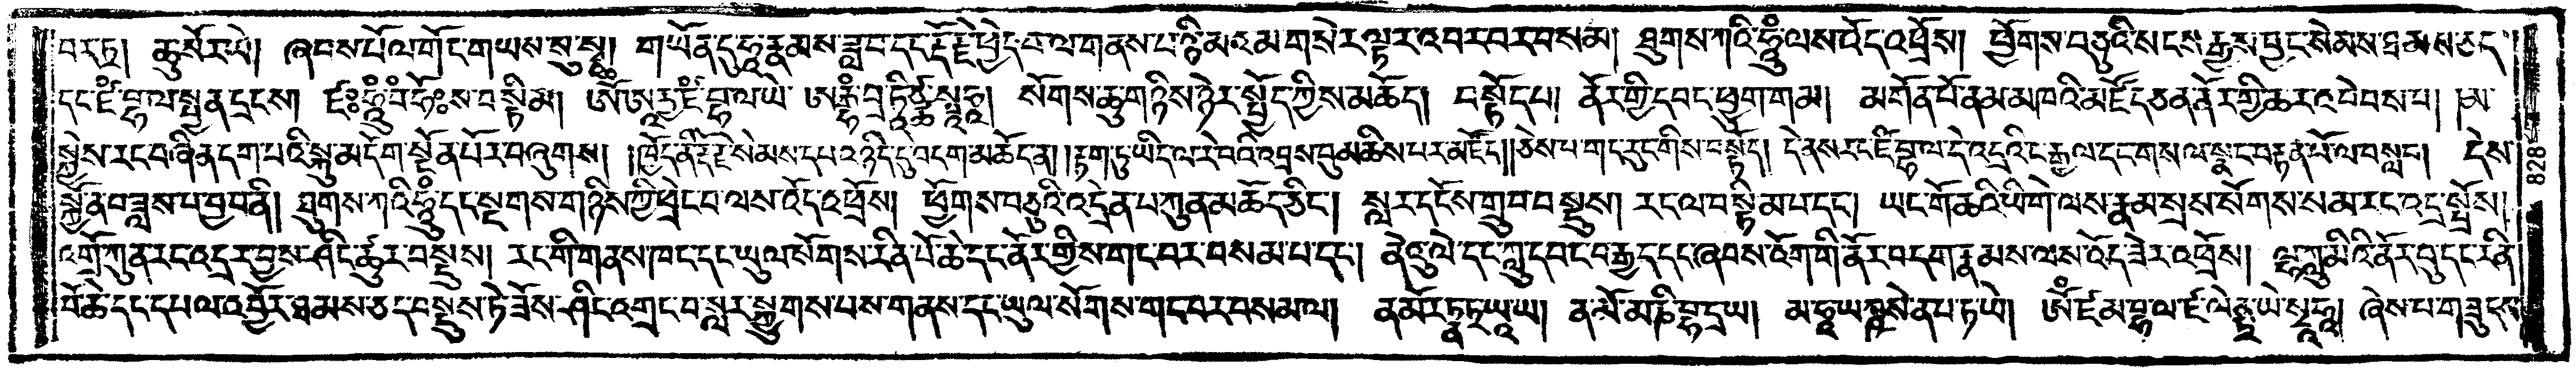བར་ཏྲ། ཆུ་སོར་ཡེ། ཞབས་པོལ་གོང་གཡས་སུ་སྭཱ། གཡོན་དུ་ཧཱ་རྣམས་ཟླ་བ་དང་རྡོ་རྗེ་ཕྱེད་པ་ལ་གནས་པ་ཉི་མའམ་གསེར་ལྟར་འབར་བར་བསམ། ཐུགས་ཀའི་ཧཱུཾ་ལས་འོད་འཕྲོས། ཕྱོགས་བཅུའི་སངས་རྒྱས་བྱང་སེམས་ཐམས་ཅད་
དང་ཛཾ་བྷ་ལ་སྤྱན་དྲངས། ཛཿ ཧཱུཾ་བཾ་ཧོ༑ ས་བསྟིམ། ཨོཾ་ཨཱརྱ་ཛཾ་བྷ་ལ་ཡེ་ཨརྒྷཾ་པྲ་ཏཱི་ཙྪ་སྭཱཧཱ། སོགས་ཆུ་གཉིས་ཉེར་སྤྱོད་ཀྱིས་མཆོད། བསྟོད་པ། ནོར་གྱི་དབང་ཕྱུག་གམ། མགོན་པོ་ནམ་མཁའི་མཛོད་ཅན་ནོར་གྱི་ཆར་འབེབས་པ། །མ་
སྐྱེས་རང་བཞིན་དག་པའི་སྐུ་མདོག་སྔོན་པོར་བཞུགས། །ཁྱོད་ཀྱི་རྡོ་རྗེ་སེམས་དཔའ་ཉིད་དུ་བདག་མཆོད་ན། །རྟག་ཏུ་ཡིད་ལ་རེ་བའི་འབྲས་བུ་མཆིས་པར་མཛོད། །ཅེས་པ་གང་རུང་གིས་བསྟོད། དེ་ནས་རང་ཛཾ་བྷ་ལ་དེ་འདྲའི་ང་རྒྱལ་དང་གསལ་སྣང་བརྟན་པོ་ལ་བསླབ། དེས་
སྐྱོན་བཟླས་པ་བྱ་བ་ནི། ཐུགས་ཀའི་ཧཱུཾ་དང་སྔགས་གཉིས་ཀྱི་ཕྲེང་བ་ལས་འོད་འཕྲོས། ཕྱོགས་བཅུའི་འདྲེན་པ་ཀུན་མཆོད་ཅིང་། སླར་དངོས་གྲུབ་བསྡུས། རང་ལ་བསྟིམ་པ་དང་། ཡང་གོ་ཆའི་ཡི་གེ་ལས་རྣམ་སྲས་སོགས་སམ་རང་འདྲ་སྤྲོས།
འགྲོ་ཀུན་རང་འདྲར་བྱས་ཤིང་ཚུར་བསྡུས། རང་གི་གནས་ཁང་དང་ཡུལ་སོགས་རིན་པོ་ཆེ་དང་ནོར་གྱིས་གང་བར་བསམ་པ་དང་། ནེའུ་ལེ་དང་ཀླུ་དབང་བརྒྱད་དང་ཞབས་འོག་གི་ནོར་བདག་རྣམས་ལས་འོད་ཟེར་འཕྲོས། ལྷ་ཀླུ་མིའི་ནོར་བུ་དང་རིན་
པོ་ཆེ་དང་དཔལ་འབྱོར་ཐམས་ཅད་བསྡུས་ཏེ་ཟོས་ཤིང་འགྲང་བ་སླར་སྐྱུགས་པས་གནས་དང་ཡུལ་སོགས་གང་བར་བསམ་ལ། ན་མོ་རཏྣ་ཏྲ་ཡཱ་ཡ། ན་མོ་མ་ཎི་བྷ་དྲ་ཡ། མ་ཧཱ་ཡ་ཀྵ་སི་ན་པ་ཏ་ཡེ། ཨོཾ་ཛམ་བྷ་ལ་ཛ་ལེནྟྲ་ཡེ་སྭཱ་ཧཱ། ཞེས་པ་གཟུངས་